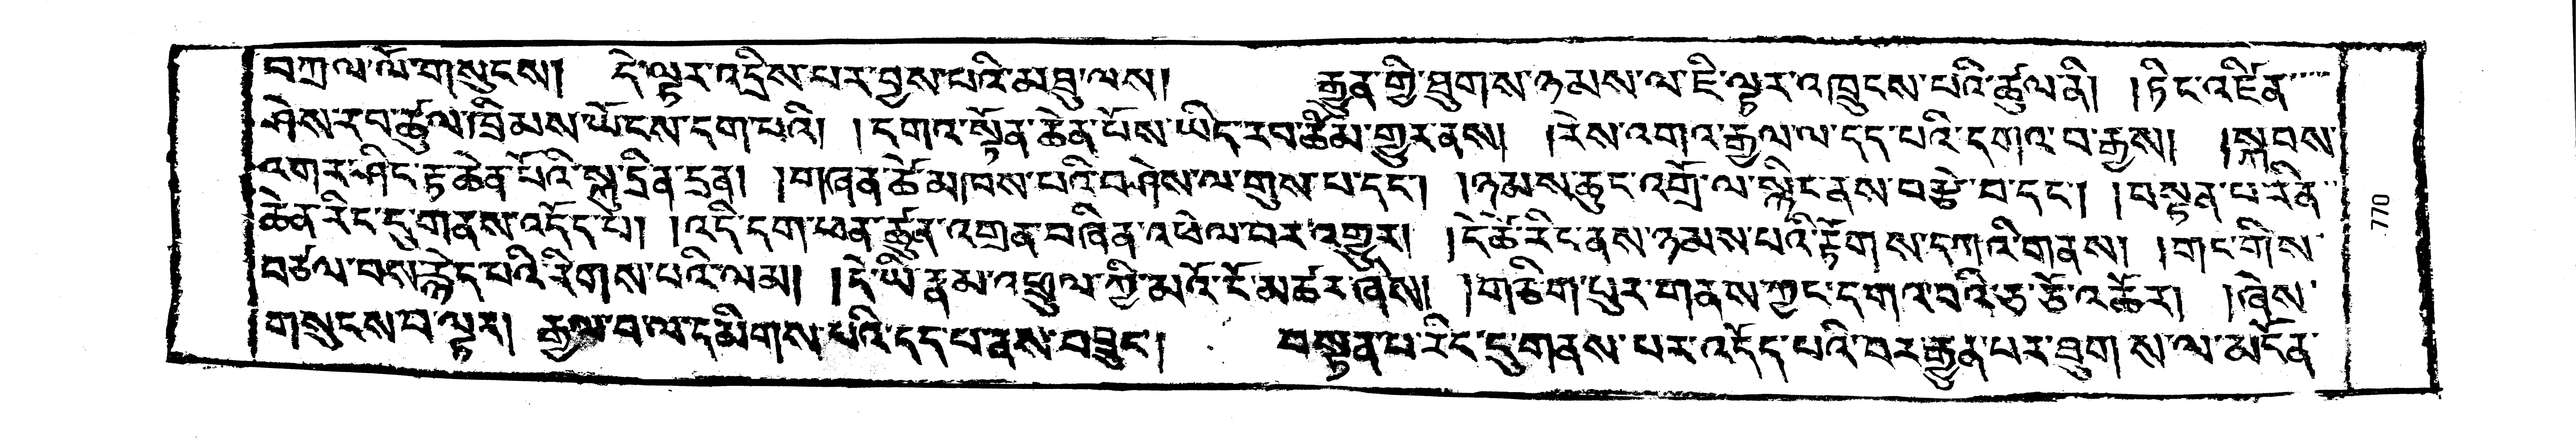བཀྲལ་ལོ་གསུངས། དེ་ལྟར་འདྲིས་པར་བྱས་པའི་མཐུ་ལས། རྒྱུན་གྱི་ཐུགས་ཉམས་ལ་ཇི་ལྟར་འཁྲུངས་པའི་ཚུལ་ནི། །ཏིང་འཛིན་
ཤེས་རབ་ཚུལ་ཁྲིམས་ཡོངས་དག་པའི། །དགའ་སྟོན་ཆེན་པོས་ཡིད་རབ་ཚིམ་གྱུར་ནས། །རེས་འགའ་རྒྱལ་ལ་དད་པའི་དགའ་བ་རྒྱས། །སྐབས་
འགར་ཤིང་རྟ་ཆེན་པོའི་སྐུ་དྲིན་དྲན། །གཞན་ཚེ་མཁས་པའི་བཤེས་ལ་གུས་པ་དང་། །ཉམས་ཆུང་འགྲོ་ལ་སྙིང་ནས་བརྩེ་བ་དང་། །བསྟན་པ་རིན་
ཆེན་རིང་དུ་གནས་འདོད་པ། །འདི་དག་ཕན་ཚུན་འགྲན་བཞིན་འཕེལ་བར་འགྱུར། །དེ་ཚེ་རིང་ནས་ཉམས་པའི་རྟོགས་དཀའི་གནས། །གང་གིས་
བཙལ་བས་རྙེད་པའི་རིགས་པའི་ལམ། །དེ་ཡི་རྣམ་འཕྲུལ་ཀྱི་མའོ་ངོ་མཚར་ཞེས། །གཅིག་པུར་གནས་ཀྱང་དགའ་བའི་ཅ་ཅོ་འཆོར། །ཞེས་
གསུངས་པ་ལྟར། རྒྱལ་བ་ལ་དམིགས་པའི་དད་པ་ནས་བཟུང་། བསྟན་པ་རིང་དུ་གནས་པར་འདོད་པའི་བར་རྒྱུན་པར་ཐུགས་ལ་མངོན་